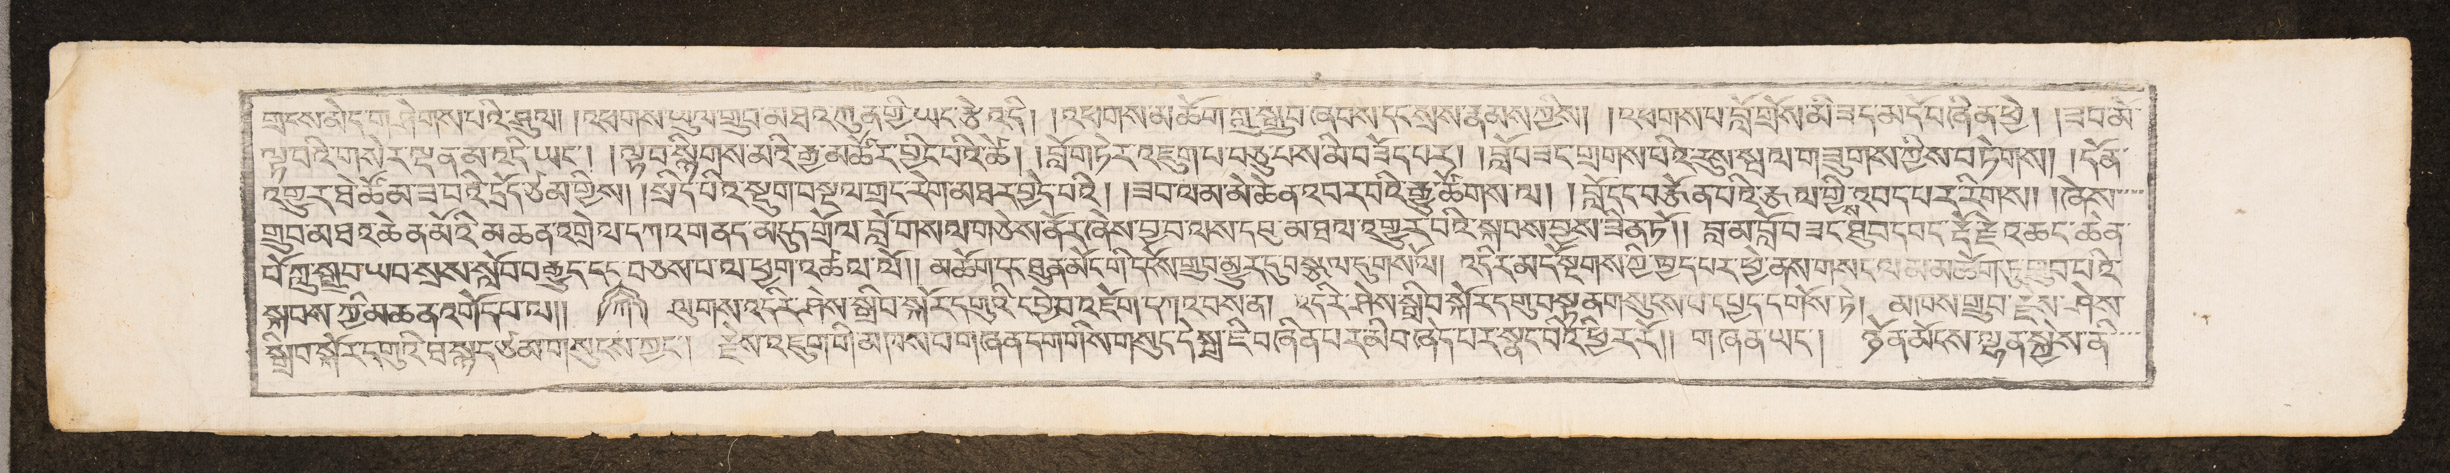གྲངས་མེད་གཤེགས་པའི་ཤུལ། །འཕགས་ཡུལ་གྲུབ་མཐའ་ཀུན་གྱི་ཡང་རྩེ་འདི། །འཕགས་མཆོག་ཀླུ་སྒྲུབ་ཞབས་དང་སྲས་རྣམས་ཀྱིས། །འཕགས་པ་བློ་གྲོས་མི་ཟད་མདོ་བཞིན་ཕྱེ། །ཟབ་མ་
ལྟ་བའི་གསེར་ལྡན་མ་འདི་ཡང་། །ལྟ་བ་སྙིགས་མའི་རྒྱ་མཚོར་བྱིང་བའི་ཚེ། །བློ་གཏེར་འཇུག་པ་བཅུ་པས་མི་བཟོད་པར། །བློ་བཟང་གྲགས་པའི་རུས་སྤལ་གཟུགས་ཀྱིས་བཏེགས། །དོན་
འགྱུར་ཐེ་ཚོམ་ཟ་བའི་དྲོད་ཙམ་གྱིས། །སྲིད་པའི་སྡུག་བསྔལ་གྲང་རེག་མཐར་བྱེད་པའི། །ཟབ་ལམ་མེ་ཆེན་འབར་བའི་རྒྱུ་ཚོགས་ལ། །བློ་དང་བརྩོན་པའི་རྩལ་གྱིས་འབད་པར་རིགས། །ཞེས་
གྲུབ་མཐའ་ཆེན་མོའི་མཆན་འགྲེལ་དཀའ་གནད་མདུད་གྲོལ་བློ་གསལ་གཅེས་ནོར་ཞེས་བྱ་བ་ལས་དབུ་མ་ཐལ་འགྱུར་བའི་སྐབས་བྱས་ཟིན་ཏོ།། བླ་མ་བློ་བཟང་ཐུབ་དབང་རྡོ་རྗེ་འཆང་ཆེན་
པོ་ཀླུ་སྒྲུབ་ཡབ་སྲས་སློབ་བརྒྱུད་དང་བཅས་པ་ལ་ཕྱག་འཚལ་ལོ།། མཆོག་དང་ཐུན་མོང་གི་དངོས་གྲུབ་མྱུར་དུ་བསྩལ་དུ་གསོལ། འདིར་མདོ་སྔགས་ཀྱི་ཁྱད་པར་ཕྱེ་ནས་གསང་ལམ་མཆོག་ཏུ་གྲུབ་པའི་
སྐབས་ཀྱི་མཚན་འགོད་པ་ལ།། ༼༽ཀ༼༽ ལུགས་འདིར་ཤེས་སྒྲིབ་སྐོར་དགུའི་དབྱེ་བ་འཇོག་དཀའ་བས་ན། འདིར་ཤེས་སྒྲིབ་སྐོར་དགུ་བསྟན་གསུངས་པ་དཔྱད་དགོས་ཏེ། མཁས་གྲུབ་རྗེས་ཤེས་
སྒྲིབ་སྐོར་དགུའི་ཐ་སྙད་ཙམ་གསུངས་ཀྱང་། རྗེས་འཇུག་གི་མཁས་པ་གཞན་དག་གིས་གསུང་དེ་སྒྲ་ཇི་བཞིན་པར་མི་བཞེད་པར་སྣང་བའི་ཕྱིར་རོ།། གཞན་ཡང་། ཉོན་མོངས་ལྷན་སྐྱེས་ནི་